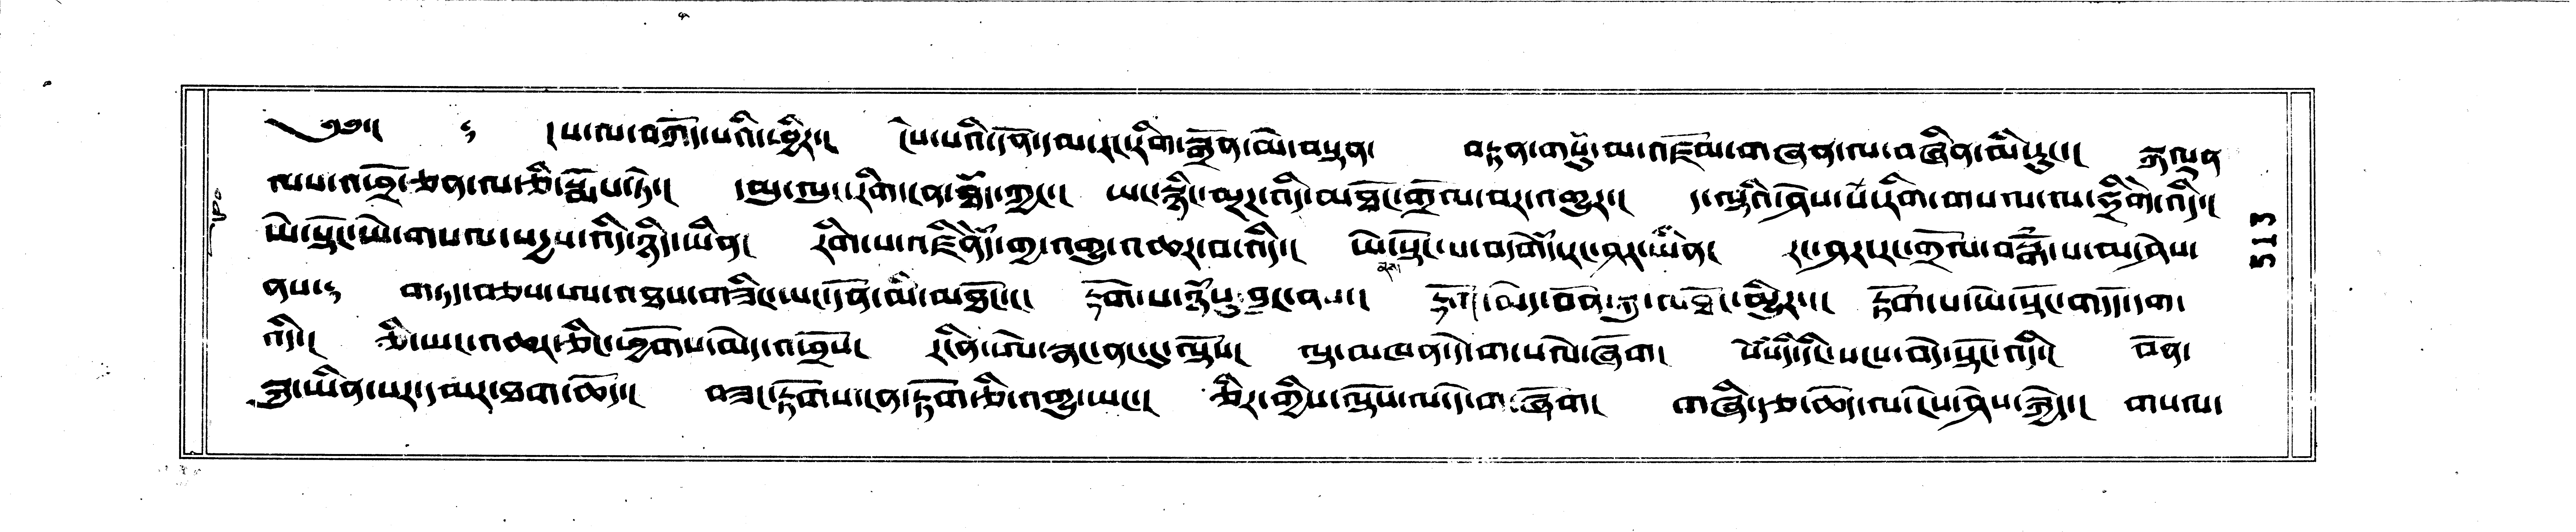ས་ལ་བཀོད་པའི་ཕྱིར། ངེས་པའི་དོན་དམ་རང་རིག་སྒྲོན་མེ་བསྟན། ལྡན་པ་གསུམ་འཛོམ་གཞན་ལ་བསྟན་མི་རུང་། སྐལ་ལྡན་
ལས་འཕྲོ་ཅན་ལ་ཅི་སྨོས་སྟེ། དམུ་ལོང་སེམས་ཅན་རིག་ངན་ཐམས་ཅད་ཀྱང་། ཡང་སྙིང་མེན་ངག་འདི་མཐོང་གྲོལ་བར་འགྱུར། ད་ལྟའི་ཤེས་རིག་སལ་སལ་ཧྲིག་གེ་བ་འདི། 
ཡེ་སྟོང་ཡེ་གསལ་སངས་རྒྱས་འདི་ཉིད་ཡིན། རིག་པ་འཛིན་མེད་གྱ་གྱུ་འཆར་བ་འདི། ཡེ་ནས་སྟོང་པ་བདག་མེད་རང་ཤར་ཡིན། རང་ཤར་རང་གྲོལ་གྱི་བསྒོམ་པ་མ་ཤེས་
ན། གཏད་བཅས་ཨ་འཐས་སུ་གཟིར་ཡང་དོན་མི་མཐོང་། རྟོགས་པ་ཉམས་སུ་མ་བླང་ན། རྟོགས་མེད་བོན་སྐུ་མཐོང་མི་གྱུར། རྟོགས་པ་ཡེ་སྟོང་གདོད་དག་
འདི། ཅི་ཡང་འཆར་ཞིང་ཕྱོགས་མེད་འཕྲོ། རང་བཞིན་ཨེ་སྣང་ནང་དུ་ལྟོས། ལྟ་མཁན་དེ་ཁའི་ངང་དུ་སལེ་ཞོག སེམས་ཉིད་དང་སངས་བདེ་སྟོང་འདི། བོན་
སྐུ་ཡིན་པར་དམར་ཐག་ཆོད། བཟང་རྟོག་ངན་རྟོག་ཅི་བྱུང་ཡང་། ཅེར་གྱི་ལྟོས་ལ་དེ་ཀ་ཞོག གཞི་རྩ་ཆོད་ན་ངེས་ཤེས་བསྐྱེད། གསལ་